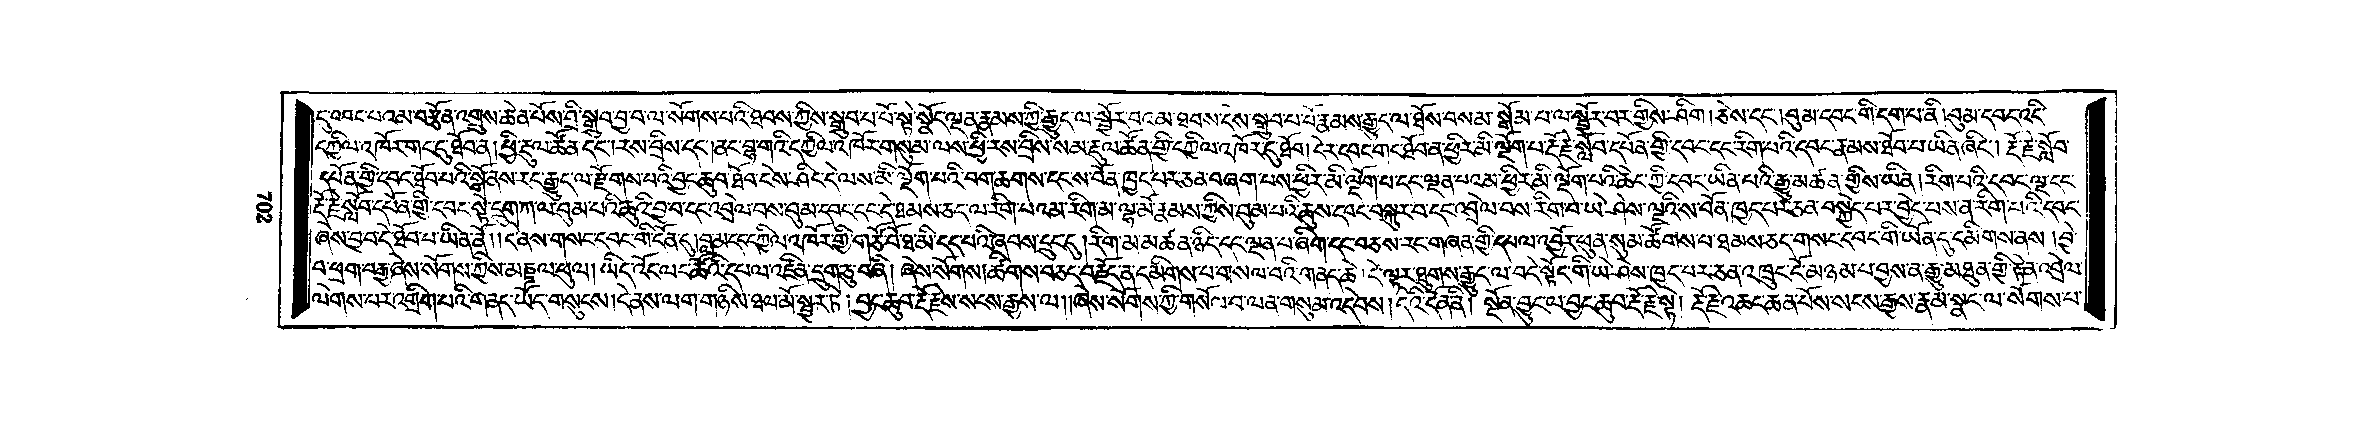དུ་འབང་པའམ་བརྩོན་འགྲུས་ཆེན་པོས་བྲི་སྒྲུབ་བྱ་བ་ལ་སོགས་པའི་ཐབས་ཀྱིས་སྒྲུབ་པ་པོ་སྟེ་སྣོད་ལྡན་རྣམས་ཀྱི་རྒྱུད་ལ་སྦྱོར་བའམ་ཐབས་དེས་སྒྲུབ་པ་པོ་རྣམས་རྒྱུད་ལ་ཐོས་བསམ་སྒོམ་པ་ལ་སྦྱོར་བར་གྱིས་ཤིག །ཅེས་དང་། བུམ་དབང་གི་དག་པ་ནི། བུམ་དབང་འདི་
དཀྱིལ་འཁོར་གང་དུ་ཐོབ་ན། ཕྱི་རྡུལ་ཚོན་དང་། རས་བྲིས་དང་། ནང་བྷ་གའི་དཀྱིལ་འཁོར་གསུམ་ལས་ཕྱི་རས་བྲིས་སམ་རྡུལ་ཚོན་གྱི་དཀྱིལ་འཁོར་དུ་ཐོབ། དེར་དབང་གང་ཐོབ་ན་ཕྱིར་མི་ལྡོག་པ་རྡོ་རྗེ་སློབ་དཔོན་གྱི་དབང་དང་རིག་པའི་དབང་རྣམས་ཐོབ་པ་ཡིན་ཞིང་། རྡོ་རྗེ་སློབ་
དཔོན་གྱི་དབང་ཐོབ་པའི་སྒོ་ནས་རང་རྒྱུད་ལ་རྫོགས་པའི་བྱང་ཆུབ་ཐོབ་ངེས་ཤིང་དེ་ལས་མི་ལྡོག་པའི་བག་ཆགས་དང་ས་བོན་ཁྱད་པར་ཅན་བཞག་པས་ཕྱིར་མི་ལྡོག་པ་དང་ལྡན་པའམ་ཕྱིར་མི་ལྡོག་པའི་ཆེད་ཀྱི་དབང་ཡིན་པའི་རྒྱུ་མཚན་གྱིས་ཡིན། རིག་པའི་དབང་ལྔ་དང་
རྡོ་རྗེ་སློབ་དཔོན་གྱི་དབང་སྟེ་དྲུག་ཀ་ལ་བུམ་པའི་ཆུའི་བྱ་བ་དང་འབྲེལ་བས་བུམ་དབང་དང་དེ་ཐམས་ཅད་ལ་རིག་པའམ་རིག་མ་ལྷ་མོ་རྣམས་ཀྱིས་བུམ་པའི་ཆུས་དབང་བསྐུར་བ་དང་འབྲེལ་བས་རིག་པ་ཡེ་ཤེས་ལྔའི་ས་བོན་ཁྱད་པར་ཅན་བསྐྱེད་པར་བྱེད་པས་ན་རིག་པའི་དབང་
ཞེས་བྱ་བ་དེ་ཐོབ་པ་ཡིན་ནོ། །དེ་ནས་གསང་དབང་གི་དོན་དུ། བླ་མ་དང་དཀྱིལ་འཁོར་གྱི་གཙོ་བོ་ཐ་མི་དད་པའི་ཞབས་དྲུང་དུ། རིག་མ་མཚན་ཉིད་དང་ལྡན་པ་ཞིག་དང་བཅས་རང་གཞན་གྱི་དཔལ་འབྱོར་ཕུན་སུམ་ཚོགས་པ་ཐམས་ཅད་གསང་དབང་གི་ཡོན་དུ་དམིགས་ནས། བྱེ་
བ་ཕྲག་བརྒྱ་ཞེས་སོགས་ཀྱིས་མཎྜལ་ཕུལ། ཡིད་འོང་ལང་ཚོའི་དཔལ་འཛིན་དྲུག་ཅུ་བཞི། ཞེས་སོགས། ཚིགས་བཅད་བརྗོད་ན་དམིགས་པ་གསལ་བའི་གནད་ཆེ། དེ་ལྟར་ཐུགས་རྒྱུད་ལ་བདེ་སྟོང་གི་ཡེ་ཤེས་ཁྱད་པར་ཅན་འཁྲུང་ངོ་མཉམ་པ་བྱས་ན་རྒྱུ་མཐུན་གྱི་རྟེན་འབྲེལ་
ལེགས་པར་འགྲིག་པའི་གནད་ཡོད་གསུངས། དེ་ནས་ལག་གཉིས་ཐལ་མོ་སྦྱར་ཏེ། བྱང་ཆུབ་རྡོ་རྗེས་སངས་རྒྱས་ལ། །ཞེས་སོགས་ཀྱི་གསོལ་བ་ལན་གསུམ་འདེབས། དེའི་དོན་ནི། སྔོན་བྱུང་ལ་བྱང་ཆུབ་རྡོ་རྗེ་སྟེ། རྡོ་རྗེ་འཆང་ཆེན་པོས་སངས་རྒྱས་རྣམ་སྣང་ལ་སོགས་པ་